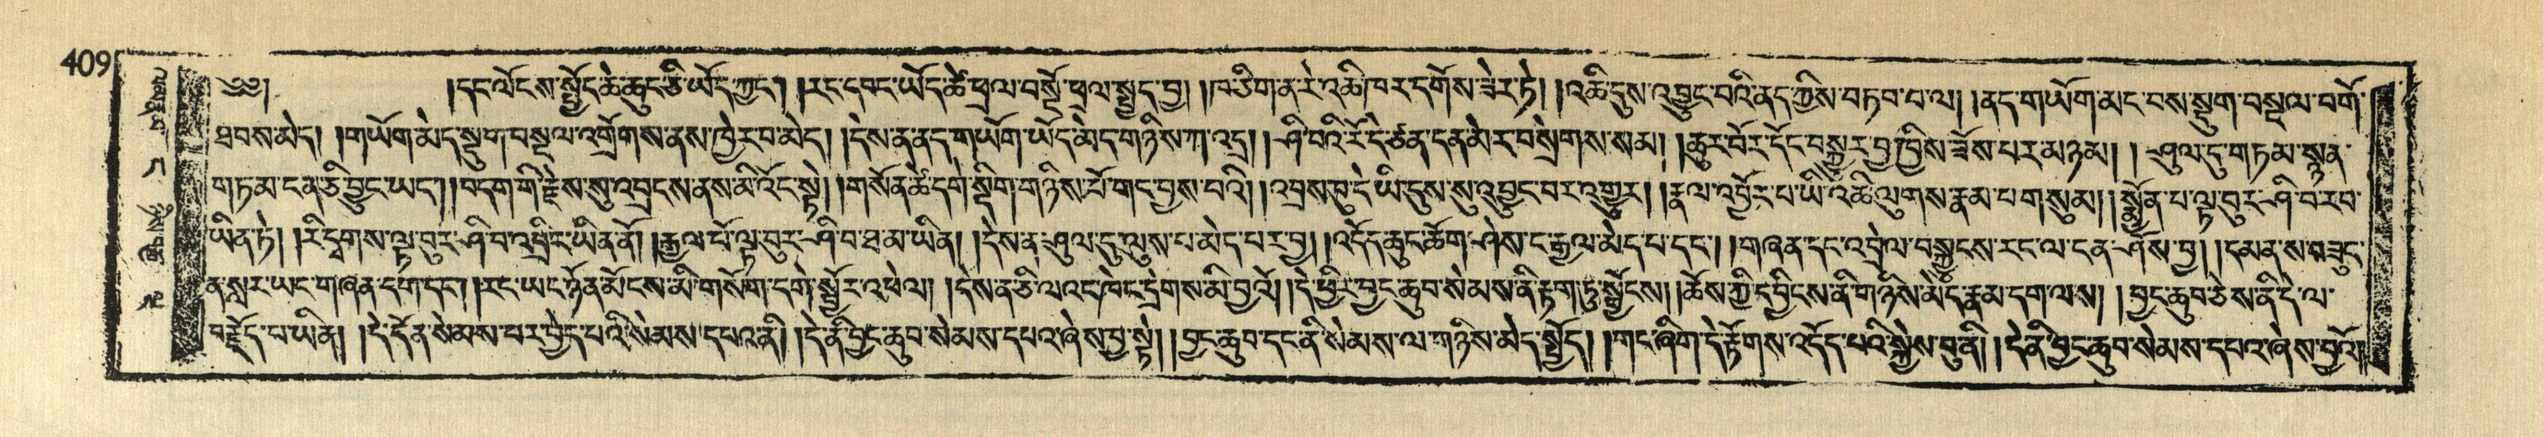༄༅། །དང་ལོངས་སྤྱོད་ཆེ་ཆུང་ཅི་ཡོད་ཀྱང་། །རང་དབང་ཡོད་ཚེ་ཕྲལ་བསྔོ་ཕྲལ་སྤྱད་བྱ། །ཁ་ཅིག་ན་རེ་འཆི་ཁར་དགོས་ཟེར་ཏེ། །འཆི་དུས་འབྱུང་བའི་ནད་ཀྱིས་བཏབ་བ་ལ། །ནད་གཡོག་མང་བས་སྡུག་བསྔལ་བགོ་
ཐབས་མེད། །གཡོག་མེད་སྡུག་བསྔལ་འགྲོགས་ནས་ཁྱེར་བ་མེད། །དེས་ན་ནད་གཡོག་ཡོད་མེད་གཉིས་ཀ་འདྲ། །ཤི་བའི་རོ་དེ་ཙན་དན་མེར་བསྲེགས་སམ། །ཆུར་བོར་དོང་བསྐྱུར་བྱ་ཁྱིས་ཟོས་པར་མཉམ། །ཤུལ་དུ་གཏམ་སྙན་
གཏམ་ངན་ཅི་བྱུང་ཡང་། །བདག་གི་རྗེས་སུ་འབྲངས་ནས་མི་འོང་སྟེ། །གསོན་ཚེ་དགེ་སྡིག་གཉིས་པོ་གང་བྱས་བའི། །འབྲས་བུ་དེ་ཡི་དུས་སུ་འབྱུང་བར་འགྱུར། །རྣལ་འབྱོར་པ་ཡི་འཆི་ལུགས་རྣམ་པ་གསུམ། །སྨྱོན་པ་ལྟ་བུར་ཤི་བ་རབ་
ཡིན་ཏེ། །རི་དྭགས་ལྟ་བུར་ཤི་བ་འབྲིང་ཡིན་ནོ། །རྒྱལ་པོ་ལྟ་བུར་ཤི་བ་ཐ་མ་ཡིན། །དེས་ན་ཤུལ་དུ་ལུས་པ་མེད་པར་བྱ། །འདོད་ཆུང་ཆོག་ཤེས་ང་རྒྱལ་མེད་པ་དང་། །གཞན་དང་འབྲེལ་བསྐྱུངས་རང་ལ་ངན་ཤོས་བྱ། །དམན་ས་བཟུང་
ན་སླར་ཡང་གཞན་དག་དང་། །རང་ཡང་ཉོན་མོངས་མི་གསོག་དགེ་སྦྱོར་འཕེལ། །དེས་ན་ཅི་ལའང་ཁེང་དྲེགས་མི་བྱའོ། །དེ་ཕྱིར་བྱང་ཆུབ་སེམས་ནི་རྟག་ཏུ་སྦྱོངས། །ཆོས་ཀྱི་དབྱིངས་ནི་གཉིས་མེད་རྣམ་དག་ལས། །བྱང་ཆུབ་ཅེས་ནི་དེ་ལ་
བརྗོད་པ་ཡིན། །དེ་དོན་སེམས་པར་བྱེད་པའི་སེམས་དཔའ་ནི། །དེ་ནི་བྱང་ཆུབ་སེམས་དཔའ་ཞེས་བྱ་སྟེ། །བྱང་ཆུབ་དང་ནི་སེམས་ལ་གཉིས་མེད་སྤྱོད། །གང་ཞིག་དེ་རྟོགས་འདོད་པའི་སྐྱེས་བུ་ནི། །དེ་ནི་བྱང་ཆུབ་སེམས་དཔའ་ཞེས་བྱའོ།།